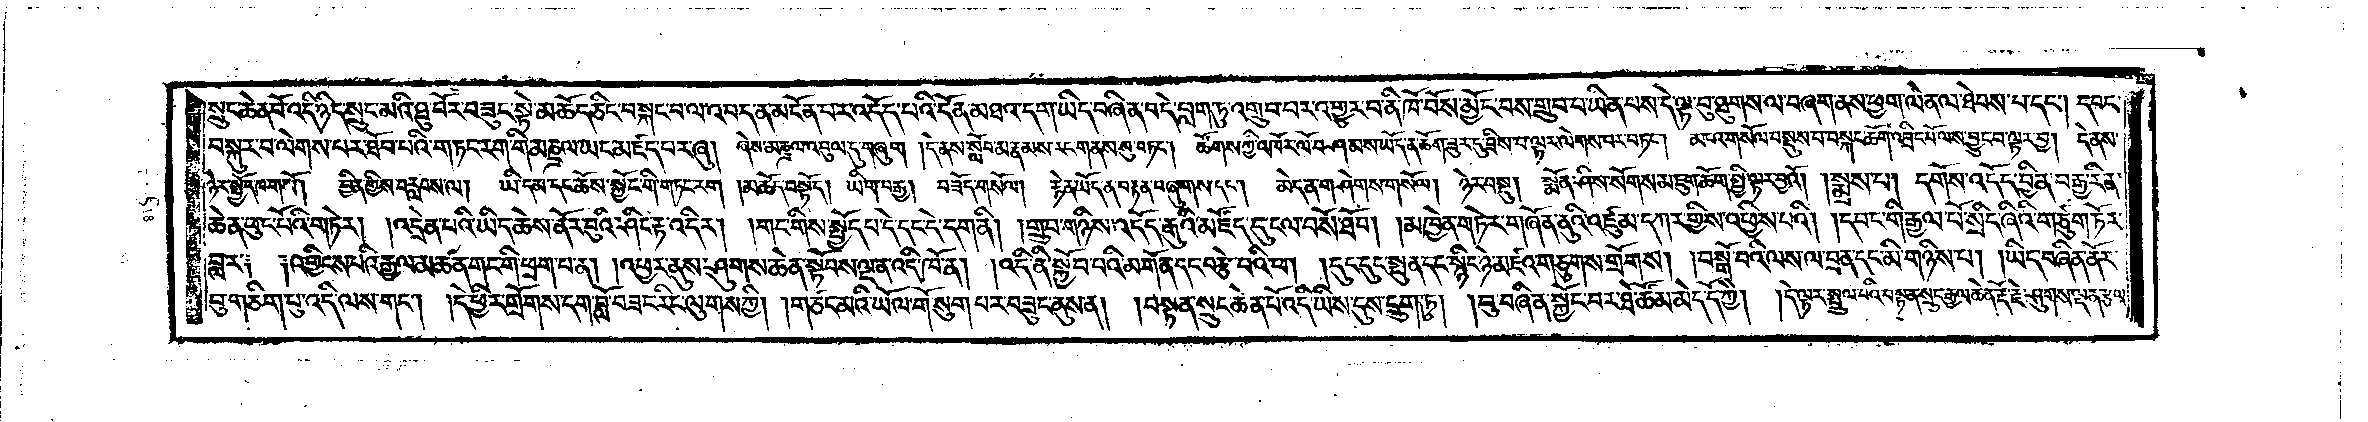སྲུང་ཆེན་པོ་འདི་ཉིད་སྲུང་མའི་ཐུ་བོར་བཟུང་སྟེ་མཆོད་ཅིང་བསྐང་བ་ལ་འབད་ན་མངོན་པར་འདོད་པའི་དོན་མཐའ་དག་ཡིད་བཞིན་བདེ་བླག་ཏུ་འགྲུབ་པར་འགྱུར་བ་ནི་ཁོ་བོས་མྱོང་བས་གྲུབ་པ་ཡིན་པས་དེ་ལྟ་བུ་ཐུགས་ལ་བཞག་ནས་ཕྱག་ལེན་ལ་ཐེབས་པ་དང་། དབང་
བསྐུར་བ་ལེགས་པར་ཐོབ་པའི་གཏང་རག་གི་མཎྜལ་ཡང་མཛད་པར་ཞུ། ཞེས་མཎྜལ་འབུལ་དུ་གཞུག །དེ་ནས་སློབ་མ་རྣམས་རང་གནས་སུ་བཏང་། ཚོགས་ཀྱི་འཁོར་ལོ་བཤམས་ཡོད་ན་ཆོ་ག་ཟུར་དུ་འབྲིས་པ་ལྟར་ལེགས་པར་བཏང་། མངའ་གསོལ་བསྡུས་བ་བསྐང་ཆོག་འབྲིང་པོ་ལས་བྱུང་བ་ལྟར་བྱ། དེ་ནས་
ཉེར་སྤྱོད་ཁ་གསོ། བྱིན་གྱིས་བརླབས་ལ། ཡི་དམ་དང་ཆོས་སྐྱོང་གི་གཏང་རག །མཆོད་བསྟོད། ཡིག་བརྒྱ། བཟོད་གསོལ། རྟེན་ཡོད་ན་བརྟན་བཞུགས་དང་། མེད་ན་གཤེགས་གསོལ། ཉེར་བསྡུ། སྨོན་ཤིས་སོགས་མཇུག་ཆོག་སྤྱི་ལྟར་བྱའོ། །སྨྲས་པ། དགོས་འདོད་བྱིན་བརྒྱ་རིན་
ཆེན་ཕུང་པོའི་གཏེར། འདྲེན་པའི་ཡིད་ཆེས་ནོར་བུའི་ཤིང་རྟ་འདིར། །གང་གིས་སྤྱོད་པ་དེ་དང་དེ་དག་ནི། །གྲུབ་གཉིས་འདོད་རྒུའི་མཛོད་དུ་ངལ་བསོ་ཐོབ། །མཁྱེན་གཏེར་གཞོན་ནུའི་འཛུམ་དཀར་གྱིས་འཕྱིས་པའི། །དབང་གི་རྒྱལ་པོ་སྲིད་ཞིའི་གཙུག་ཏོར་
བླར༑ ༑འགྱིངས་པའི་རྒྱལ་མཚན་གང་གི་ཕྲག་པ་ན། །འཕྱར་ནུས་ཤུགས་ཆེན་སྟོབས་ལྡན་འདི་ཁོ་ན། །འདི་ནི་སྐྱོབ་པའི་མགོན་དང་བརྩེ་བའི་ཕ། །དུང་དུང་སྤུན་དང་སྙིང་ཉེ་མཛའ་གཅུགས་གྲོགས། །བསྒོ་བའི་ལས་ལ་བྲན་དང་མི་གཉིས་པ། །ཡིད་བཞིན་ནོར་
བུ་གཅིག་པུ་འདི་ལས་གང་། །དེ་ཕྱིར་གྲོགས་དག་བློ་བཟང་རིང་ལུགས་ཀྱི། །གཙང་མའི་ཡོལ་གོ་སུག་པར་བཟུང་ནུས་ན། །བསྟན་སྲུང་ཆེན་པོ་འདི་ཡིས་དུས་དྲུག་ཏུ། །བུ་བཞིན་སྐྱོང་བར་ཐེ་ཚོམ་མེད་དོ་ཀྱཻ། །དེ་ལྟར་སྤྲུལ་པོའི་བསྟན་སྲུང་རྒྱལ་ཆེན་རྡོ་རྗེ་ཤུགས་ལྡན་རྩལ་